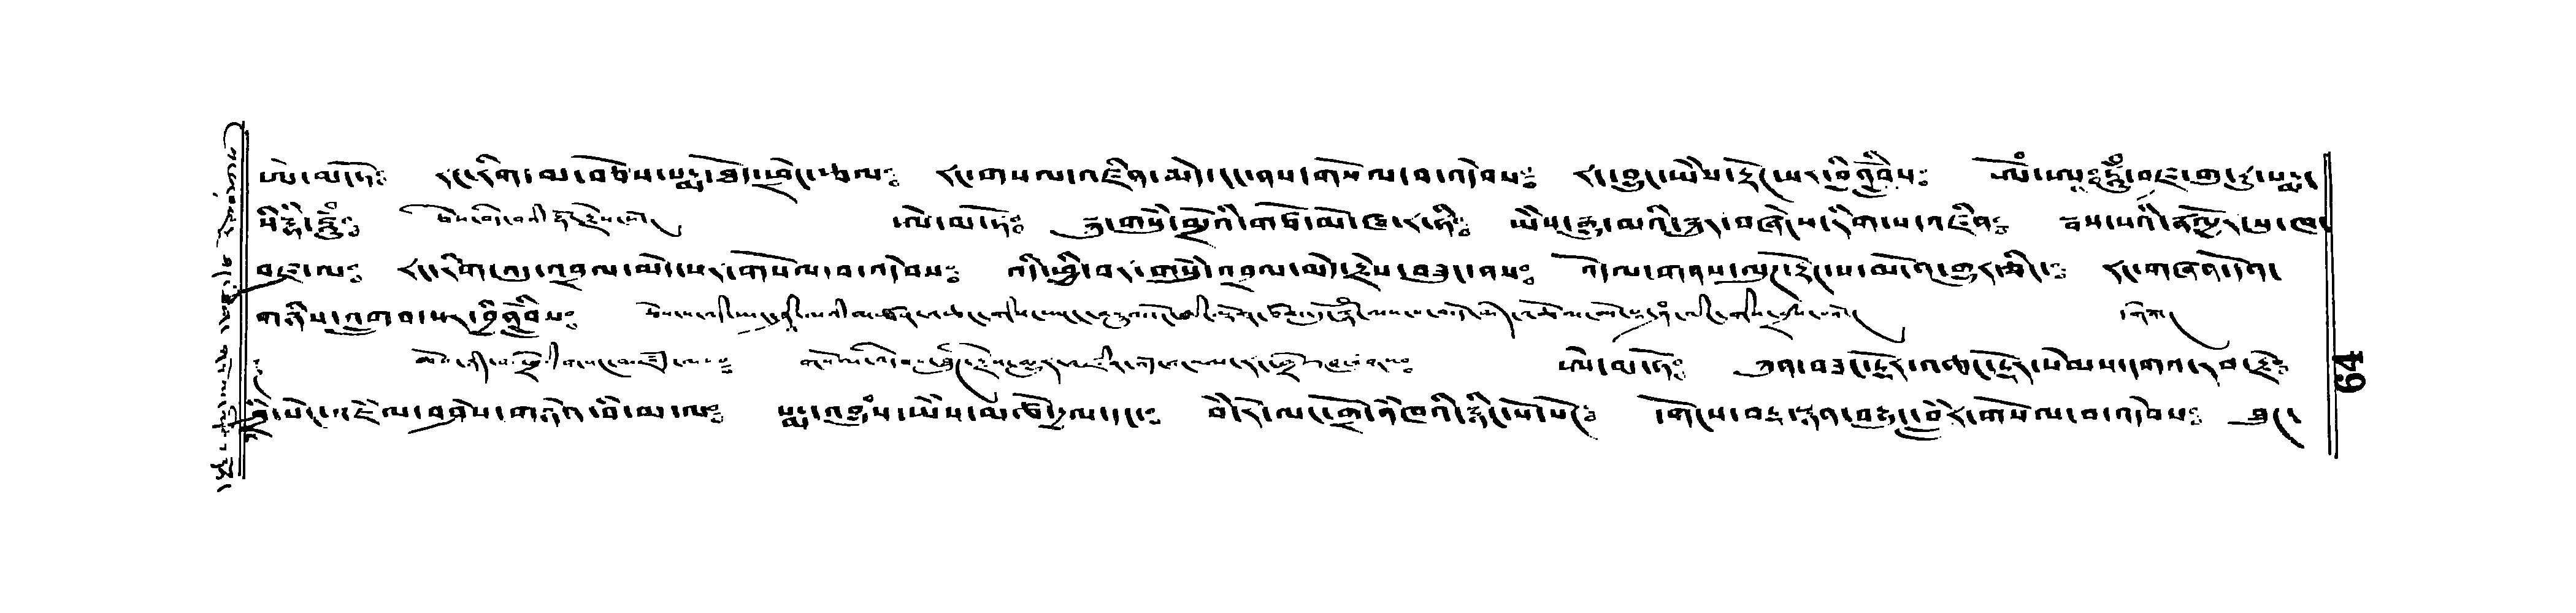ཨེ་མ་ཧོཿ རང་རིག་མ་བཅོས་པདྨ་ཐོད་ཕྲེང་རྩལ༔ རང་གསལ་འཛིན་མེད་ངང་ནས་གསོལ་བ་འདེབས༔ རང་བྱུང་ཡེ་ཤེས་རྟོགས་པར་བྱིན་གྱིས་རློབས༔ ཨོཾ་ཨཱཿཧཱུྃ་བཛྲ་གུ་རུ་པདྨ་
སིདྡྷི་ཧཱུྃ༔ ཅེས་བདེ་བའི་རྡོ་རྗེས་སོ།། ཨེ་མ་ཧོཿ སྐུ་གསུམ་མཁའ་འགྲོའི་གཙོ་མོ་ཝ་ར་ཧིཿ ཡེ་ཤེས་སྒྱུ་མའི་སྐུར་བཞེངས་རིག་པ་འཛིན༔ སྦས་པའི་རྣལ་འབྱོར་སུ་ཁ་
བཛྲ་ལ༔ རང་རིག་འདུ་འབྲལ་མེད་པར་གསོལ་བ་འདེབས༔ འདི་ཕྱི་བར་གསུམ་འབྲལ་མེད་རྗེས་བཟུང་ནས༔ འོད་གསལ་གནས་ལུགས་རྟོགས་པ་མངོན་གྱུར་ཅིང༔ རང་གཞན་དོན་
གཉིས་འགྲུབ་པར་བྱིན་གྱིས་རློབས༔ ཅེས་པ་འདི་ཡང་ཤཱི་ལའི་མཚན་འཆང་གིས་ཡང་ཡང་བསྐུལ་ངོ་མ་ལྡོག་ཙམ་དུ་སྙོམ་ལས་པ་མདོ་མེད་འཆོལ་མོ་པཱ་ཤཾ་མིང་གིས་བྲིས་པའོ།། 
༈ ཆོས་ཉིད་མཁའ་འགྲོའི་གསང་མཛོད་ལས༔ གསོལ་འདེབས་ཐུགས་རྗེས་མྱུར་འཛིན་འོད་གསལ་རང་གྲོལ་བཞུགས༔ ཨེ་མ་ཧོཿ ཀུན་བཟང་རྡོར་འཆང་རྡོར་སེམས་དགའ་རབ་རྗེ༔ 
ཤྲཱི་སེང་འཇམ་དཔལ་བཤེས་གཉེན་བི་མ་ལ༔ པདྨ་འབྱུང་གནས་ཡེ་ཤེས་མཚོ་རྒྱལ་དང༔ བཻ་རོ་ལང་གྲོ་ནམ་མཁའི་སྙིང་པོ་སོགས༔ དགོངས་བརྡ་སྙན་བརྒྱུད་བླ་མར་གསོལ་བ་འདེབས༔ ཐུགས་